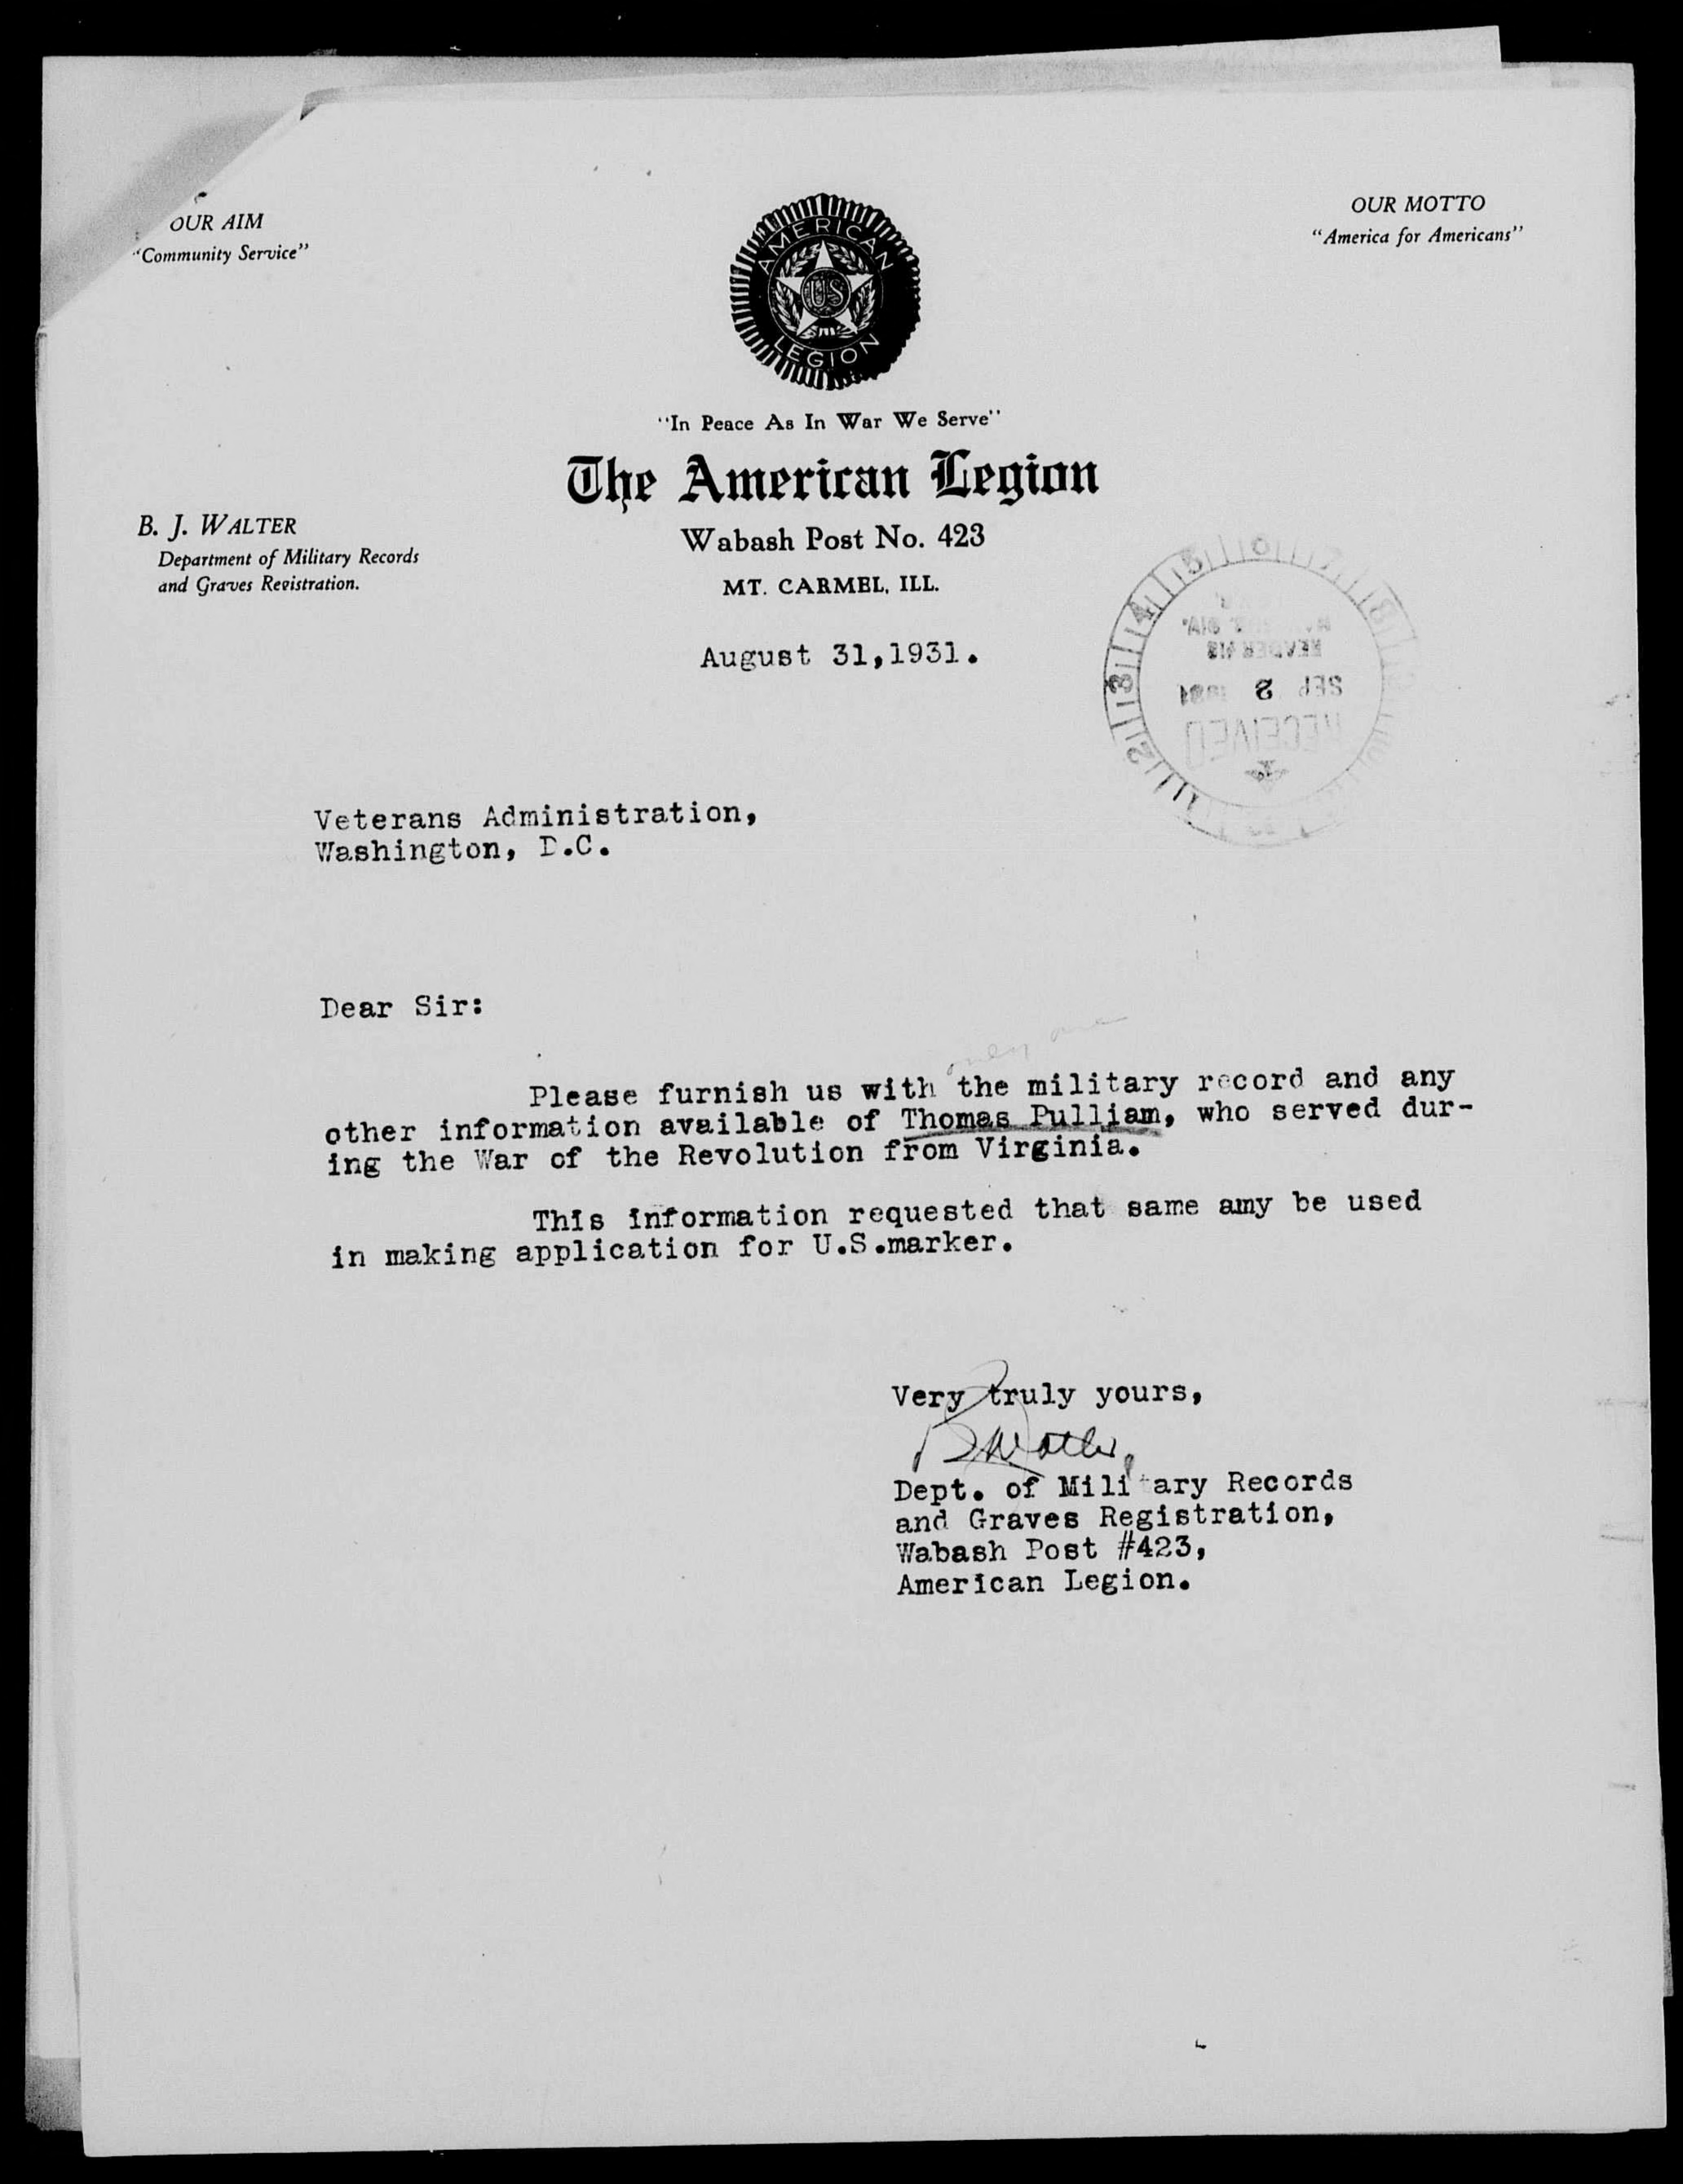OUR AIM
Community Service"

OUR MOTTO
" America for Americans"

[Seal:]
AMERICAN LEGION
"In Peace As In War We Serve"
The American Leginn
Wabash Post No. 423
MT. CARMEL, ILL.

B. J. WALTER
Department of Military Records
and Graves Registration.

August 31, 1931.

RECEIVED 
SEP 2 1931
READER [illegible]

Veterans Administration,
Washington, D.C.

Dear Sir:

Please furnish us with the military record and any
other information available of Thomas Pulliam, who served during
the War of the Revolution from Virginia.

This information requested that same amy be used
in making application for U.S. marker.

Very truly yours,
B Walter
Dept. of Military Records
and Graves Registration,
Wabash Post #423,
American Legion.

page: 18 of 27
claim: survivor's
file: S. 5,955, for Thomas Pulliam, Virginia